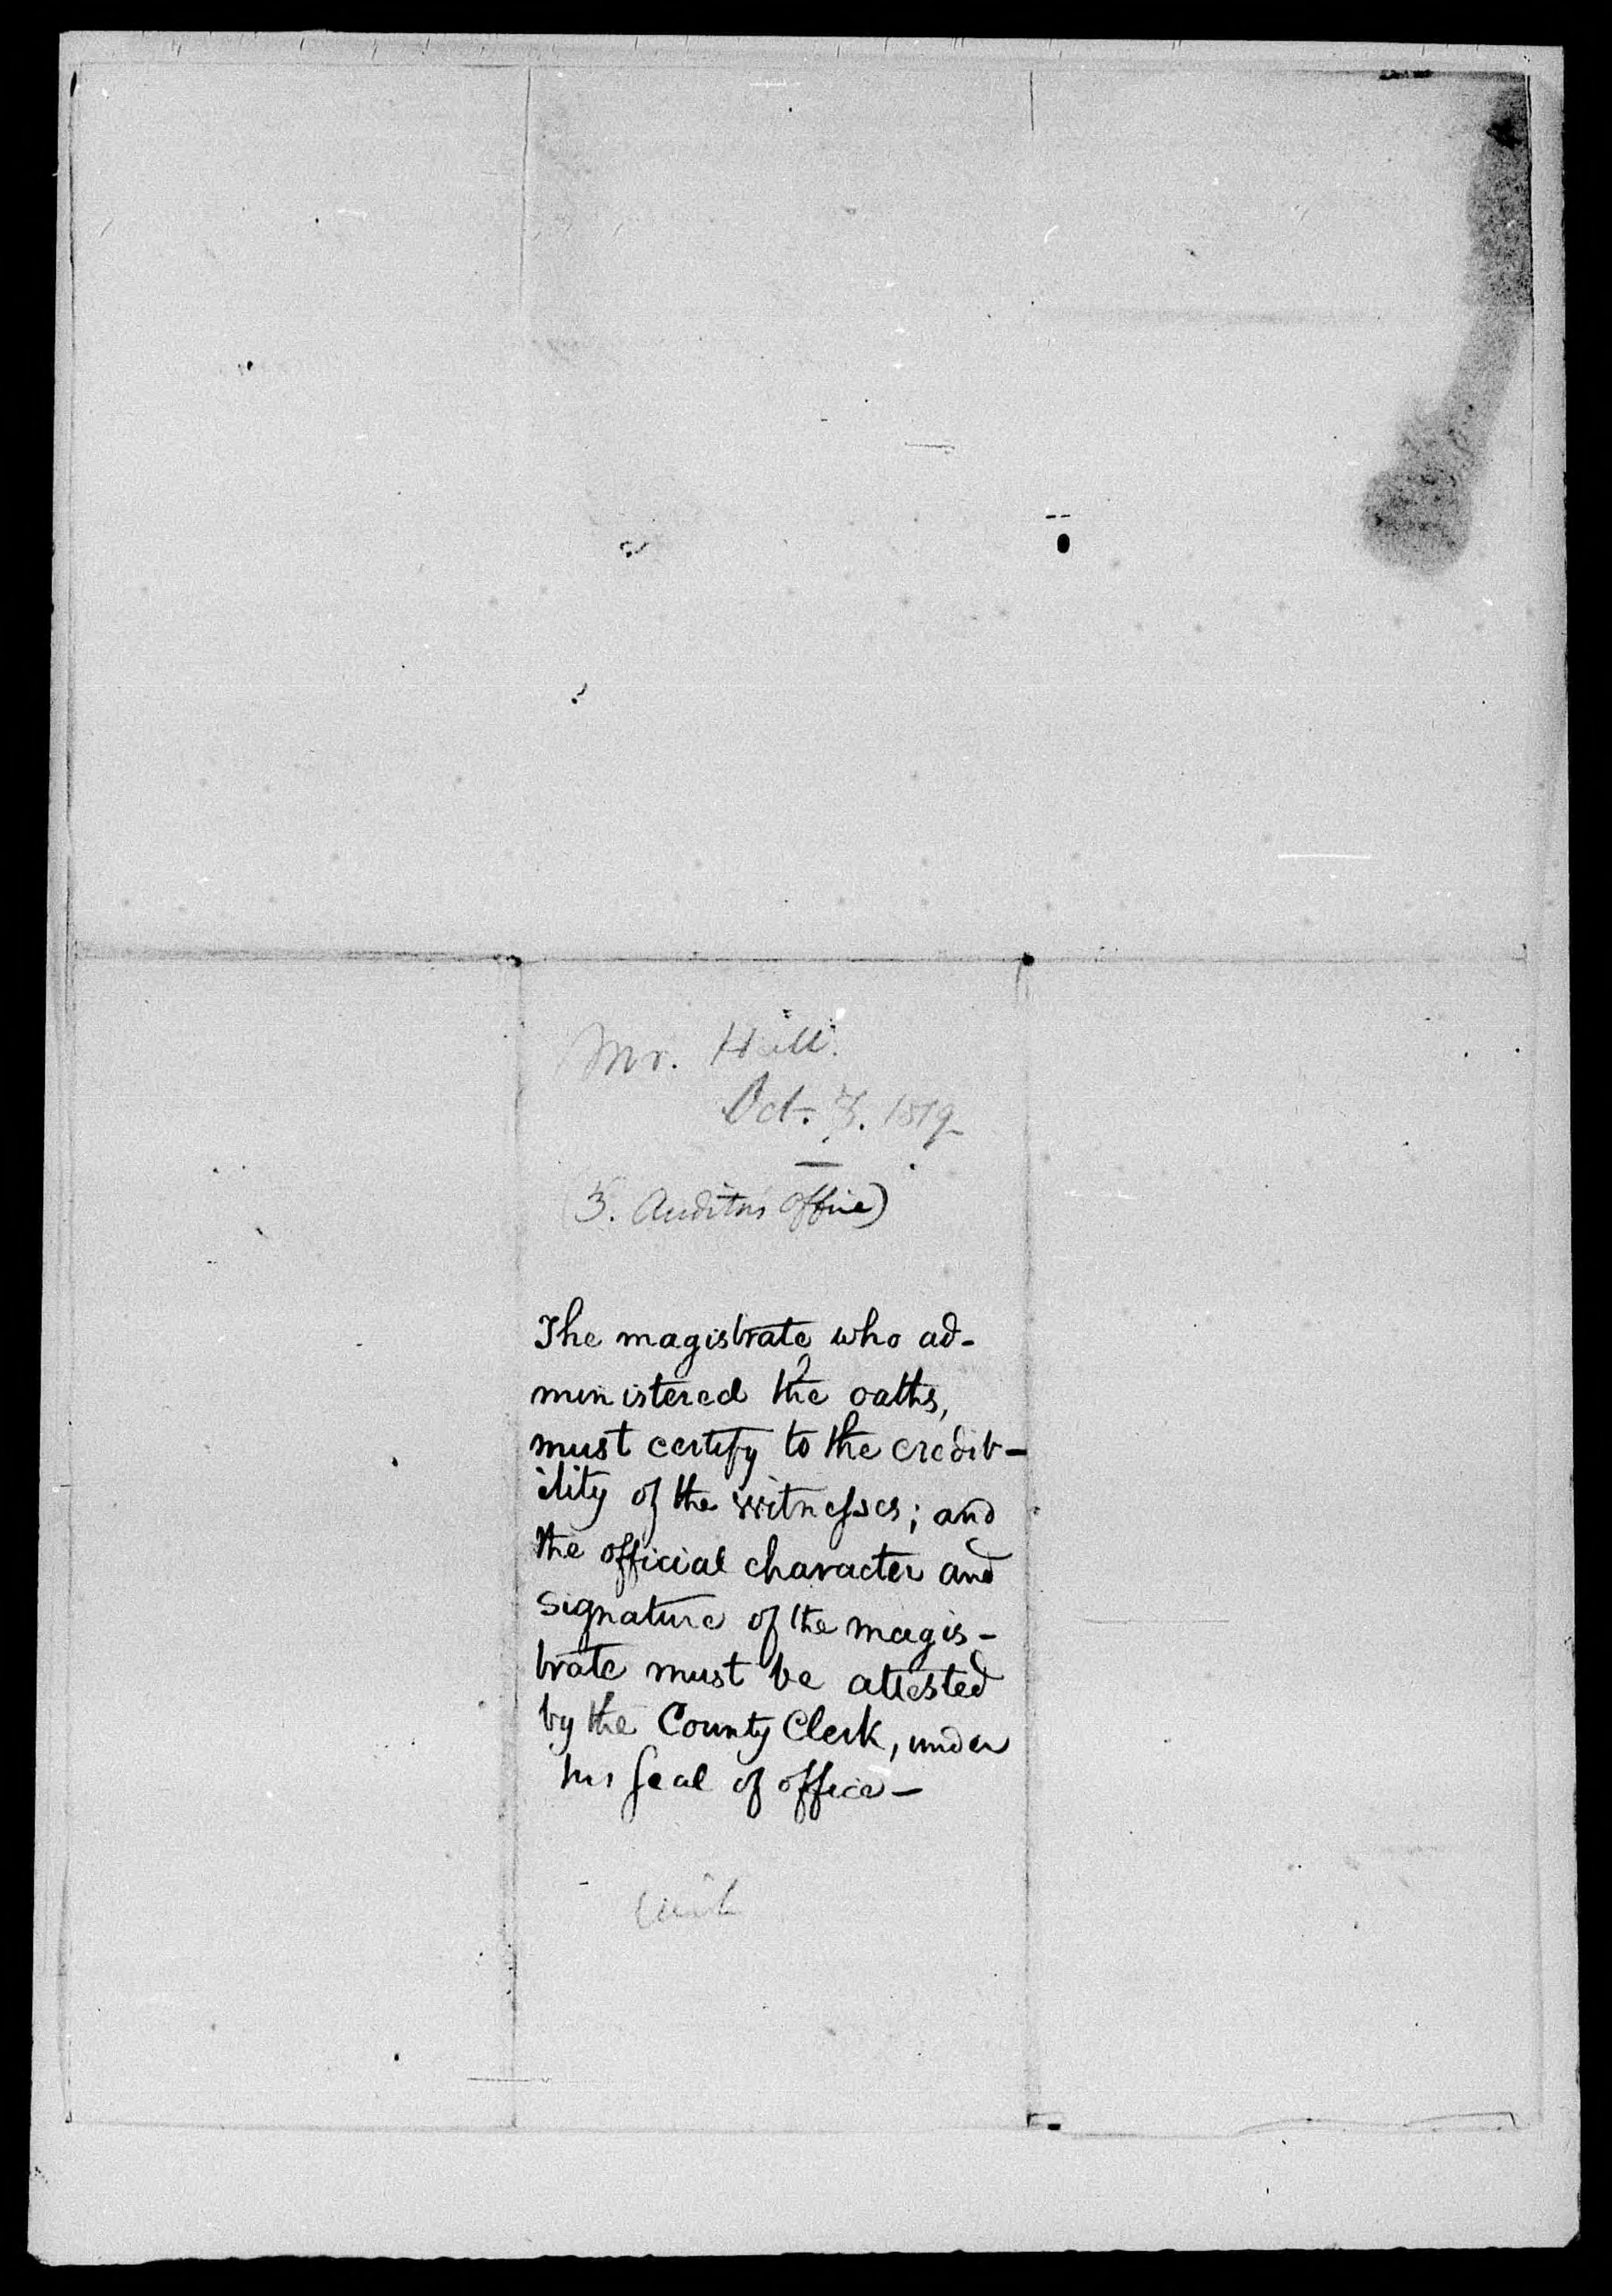Mr. Hall
Oct. 8 1819
(3. Auditors Office)

The magistrate who administered the oaths, must certify to the credibility of the witnesses; and the official character and signature of the magistrate must be attested by the County Clerk, under his seal of office-

[illegible]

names: Hill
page: 26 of 31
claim: widow's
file: W. 22946, Joel Dickinson, Mass.